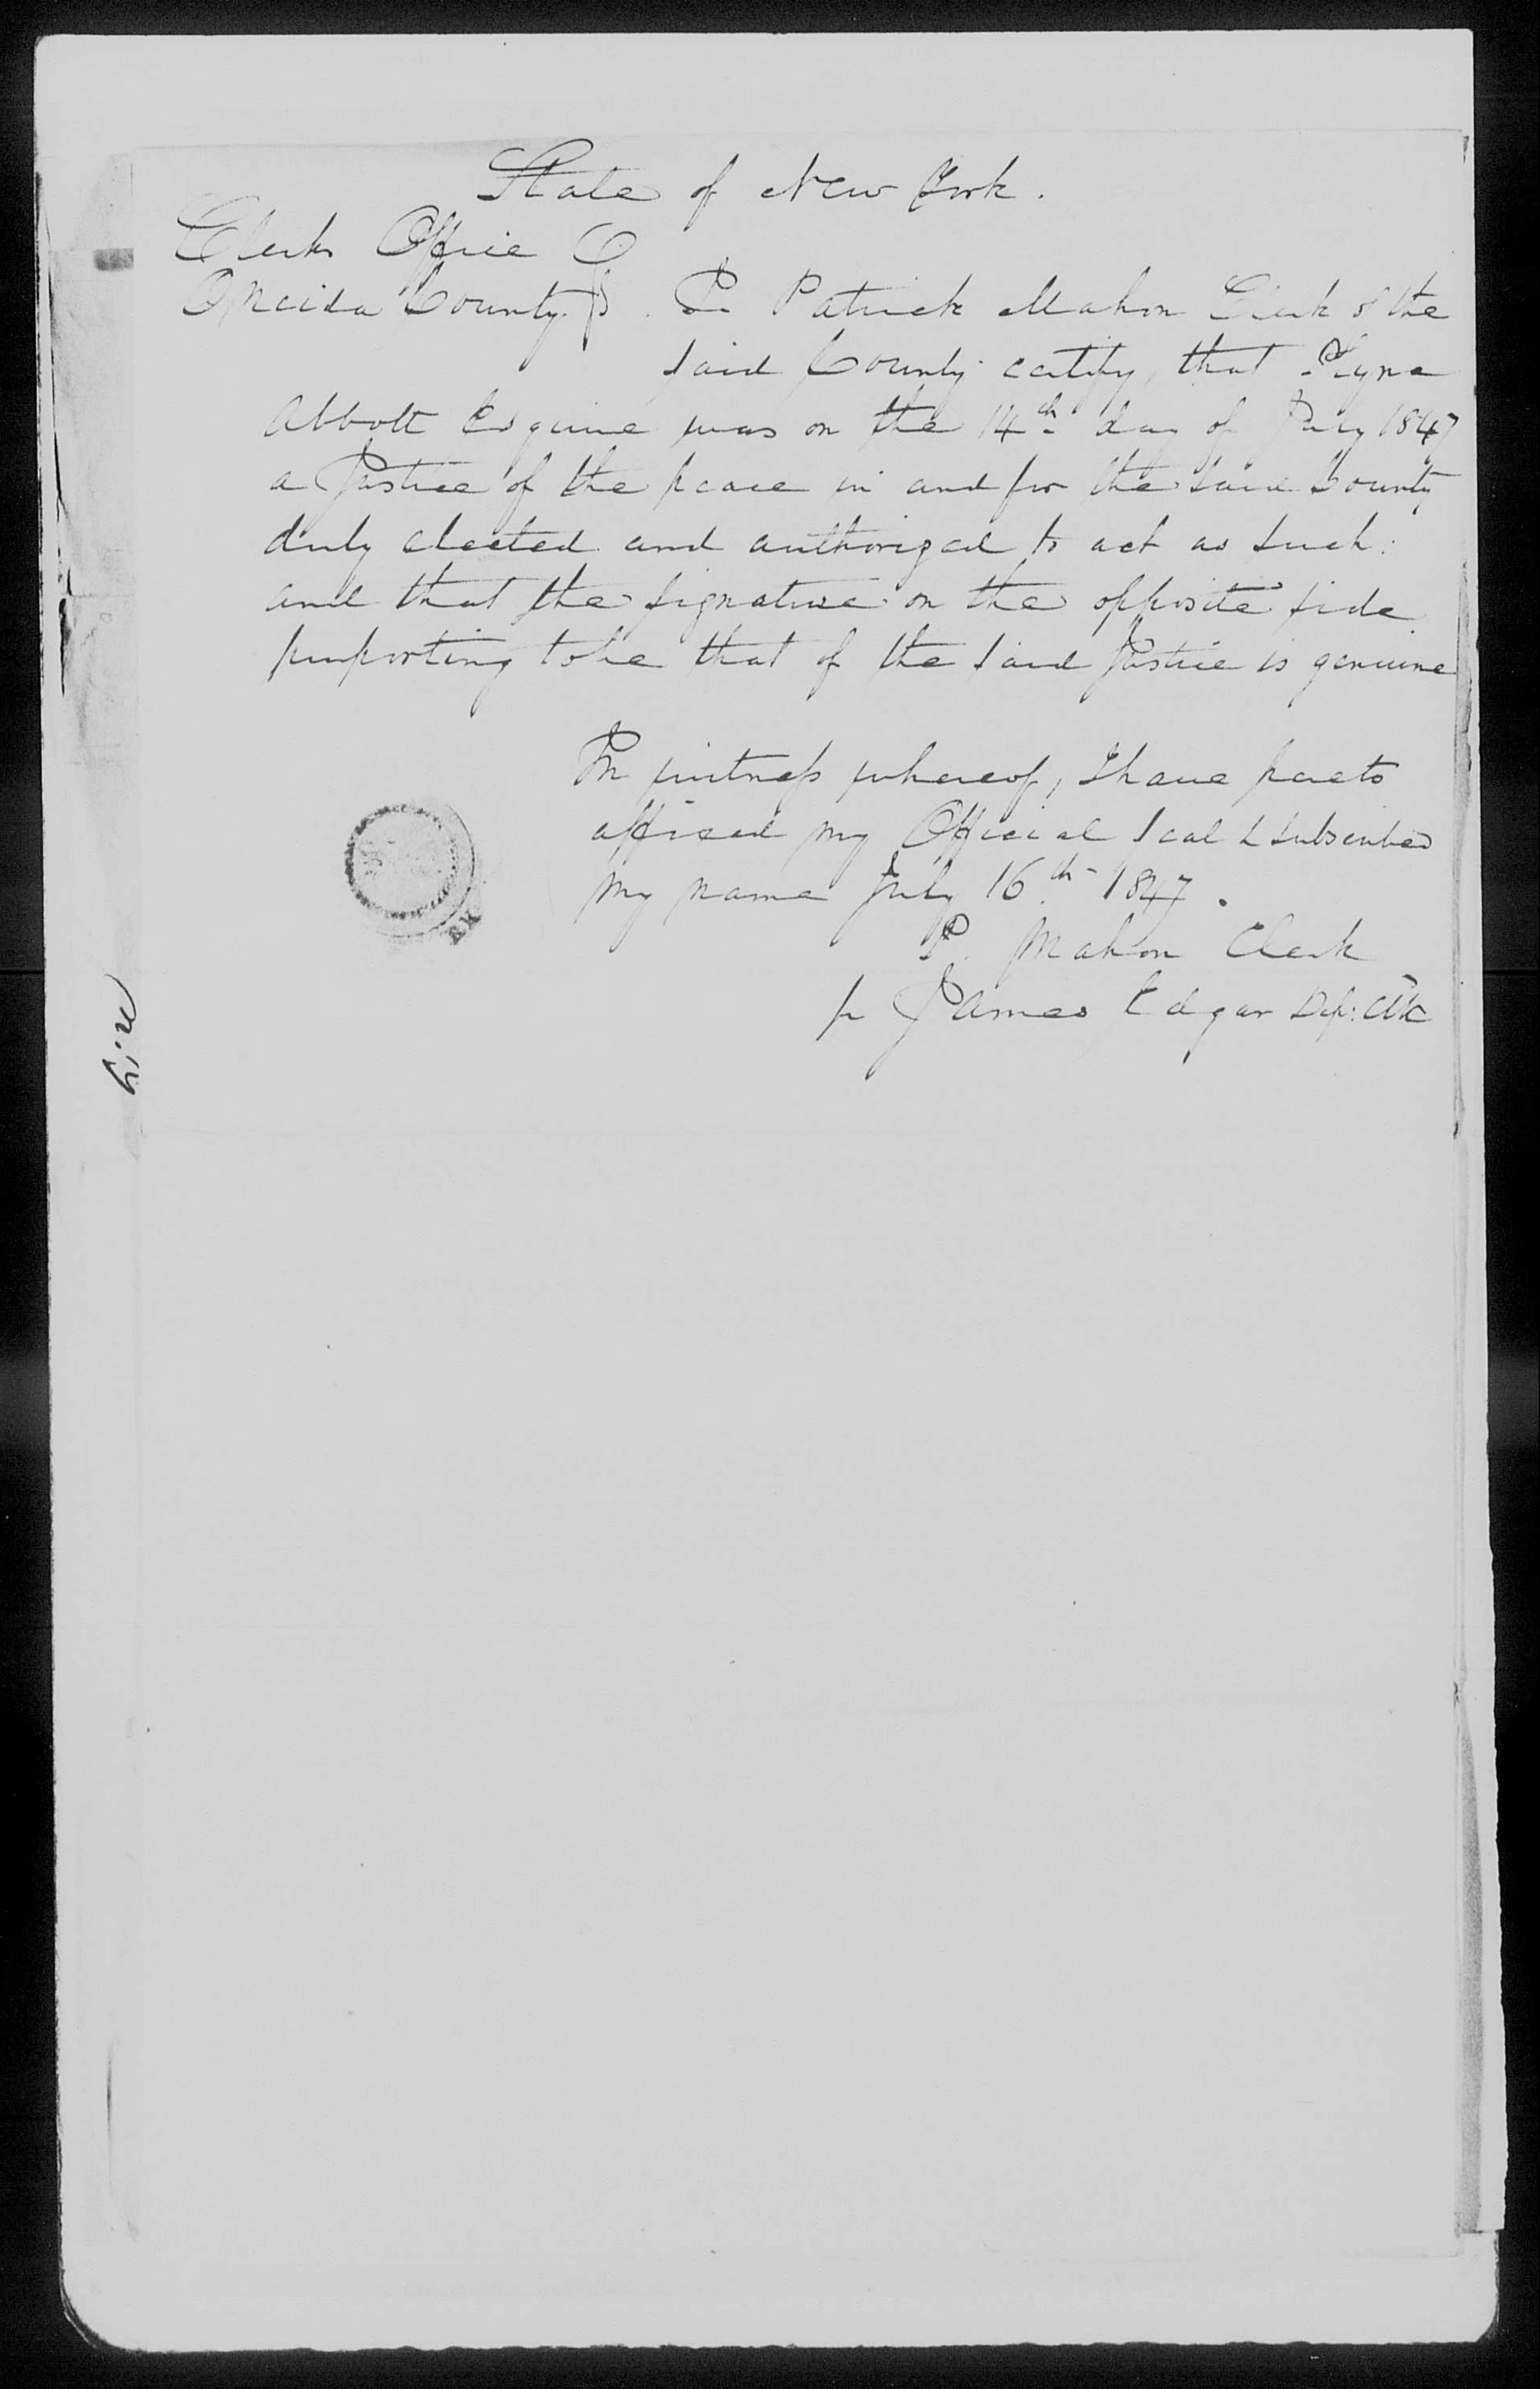State of New York.
Clerks Office
Oneida County. Ss  I Patrick Mahon Clerk of the Said County certify that Plyna Abbott Esquire was on the 14th day of July 1847 a Justice of the peace in and for the said County duly elected and authorized to act as such: and that the signature on the opposite side purporting to be that of the said Justice is genuine.

In witness whereof, I have hereto affixed my Official seal & subscribed my name July 16th 1847.
P. Mahon Clerk
[illegible] James Edgar Dep: Clk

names: Plyna Abbott, Patrick Mahon, James Edgar, P Mahon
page: 56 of 106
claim: survivor's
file: S 23,116., Joshua Benedict, Conn.